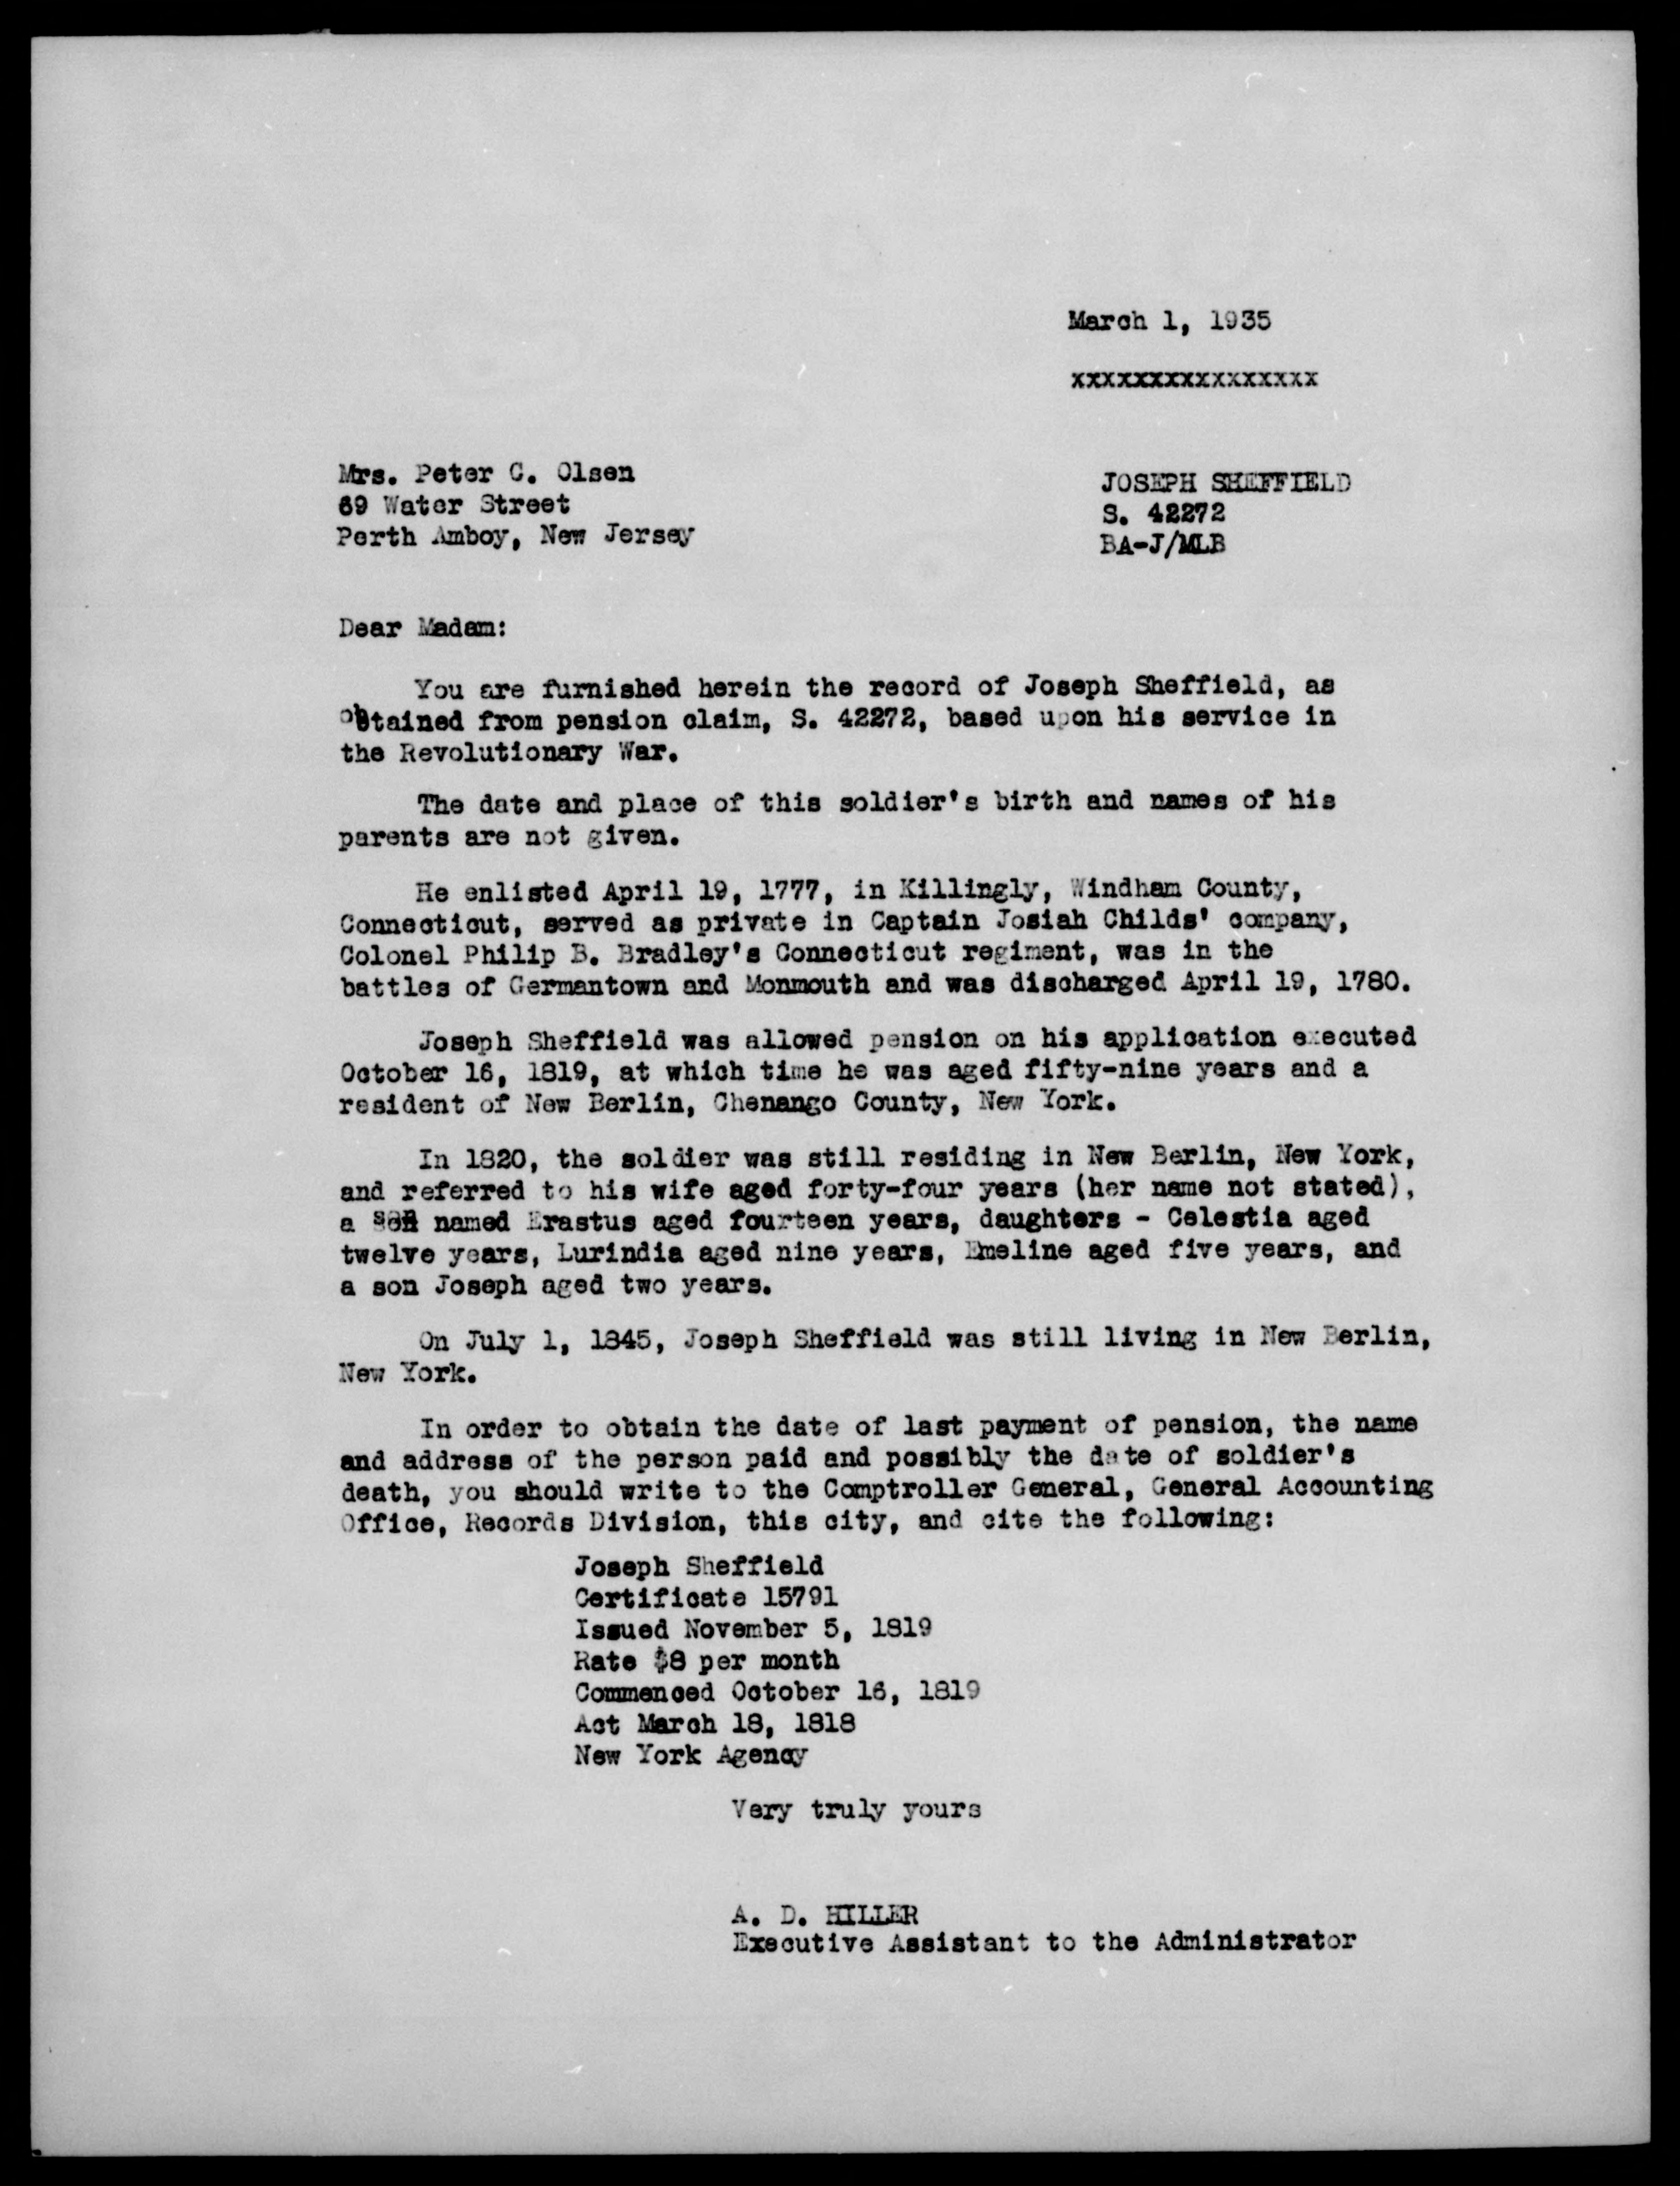March 1, 1935
XXXXXXXXXXXX

JOSEPH SHEFFIELD
S. 42272
BA-J/MLB

Mrs. Peter C. Olson
69 Water Street
Perth Amboy, New Jersey 

Dear Madam:

You are furnished herein the record of Joseph Sheffield, as
obtained from pension claim, S. 42272, based upon his service in
the Revolutionary War.

The date and place of this soldier's birth and names of his
parents are not given.

He enlisted April 19, 1777, in Killingly, Windham County,
Connecticut, served as private in Captain Josiah Childs' company,
Colonel Philip B. Bradley's Connecticut regiment, was in the
battles of Germantown and Monmouth and was discharged April 19, 1780.

Joseph Sheffield was allowed pension on his application executed
October 16, 1819, at which time he was aged fifty-nine years and a
resident of New Berlin, Chenango County, New York.

In 1820, the soldier was still residing in New Berlin, New York,
and referred to his wife aged forty-four years (her name not stated),
a son named Erastus aged fourteen years, daughters -- Celestia aged
twelve years, Lurindia aged nine years, Emeline aged five years, and
a son Joseph aged two years.

On July 1, 1845, Joseph Sheffield was still living in New Berlin,
New York.

In order to obtain the date of last payment of pension, the name
and address of the person paid and possibly the date of soldier's
death, you should write to the Comptroller General, General Accounting
Office, Records Division, this city, and cite the following:
Joseph Sheffield
Certificate 15791
Issued November 5, 1819
Rate $8 per month
Commenced October 16, 1819
Act March 18, 1818
New York Agency 


Very truly yours
A. D. HILLER
Executive Assistant to the Administrator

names: Joseph Sheffield; Joseph Sheffield; Peter C Olsen; Emeline [BLANK]; Lurindia [BLANK]; Joseph Sheffield; Joseph Sheffield; Celestia [BLANK]; Joseph [BLANK]; Joseph Sheffield; Erastus [BLANK]; A D Hiller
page: 10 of 25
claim: survivor's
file: S. 42,272, for Joseph Sheffield, Connecticut